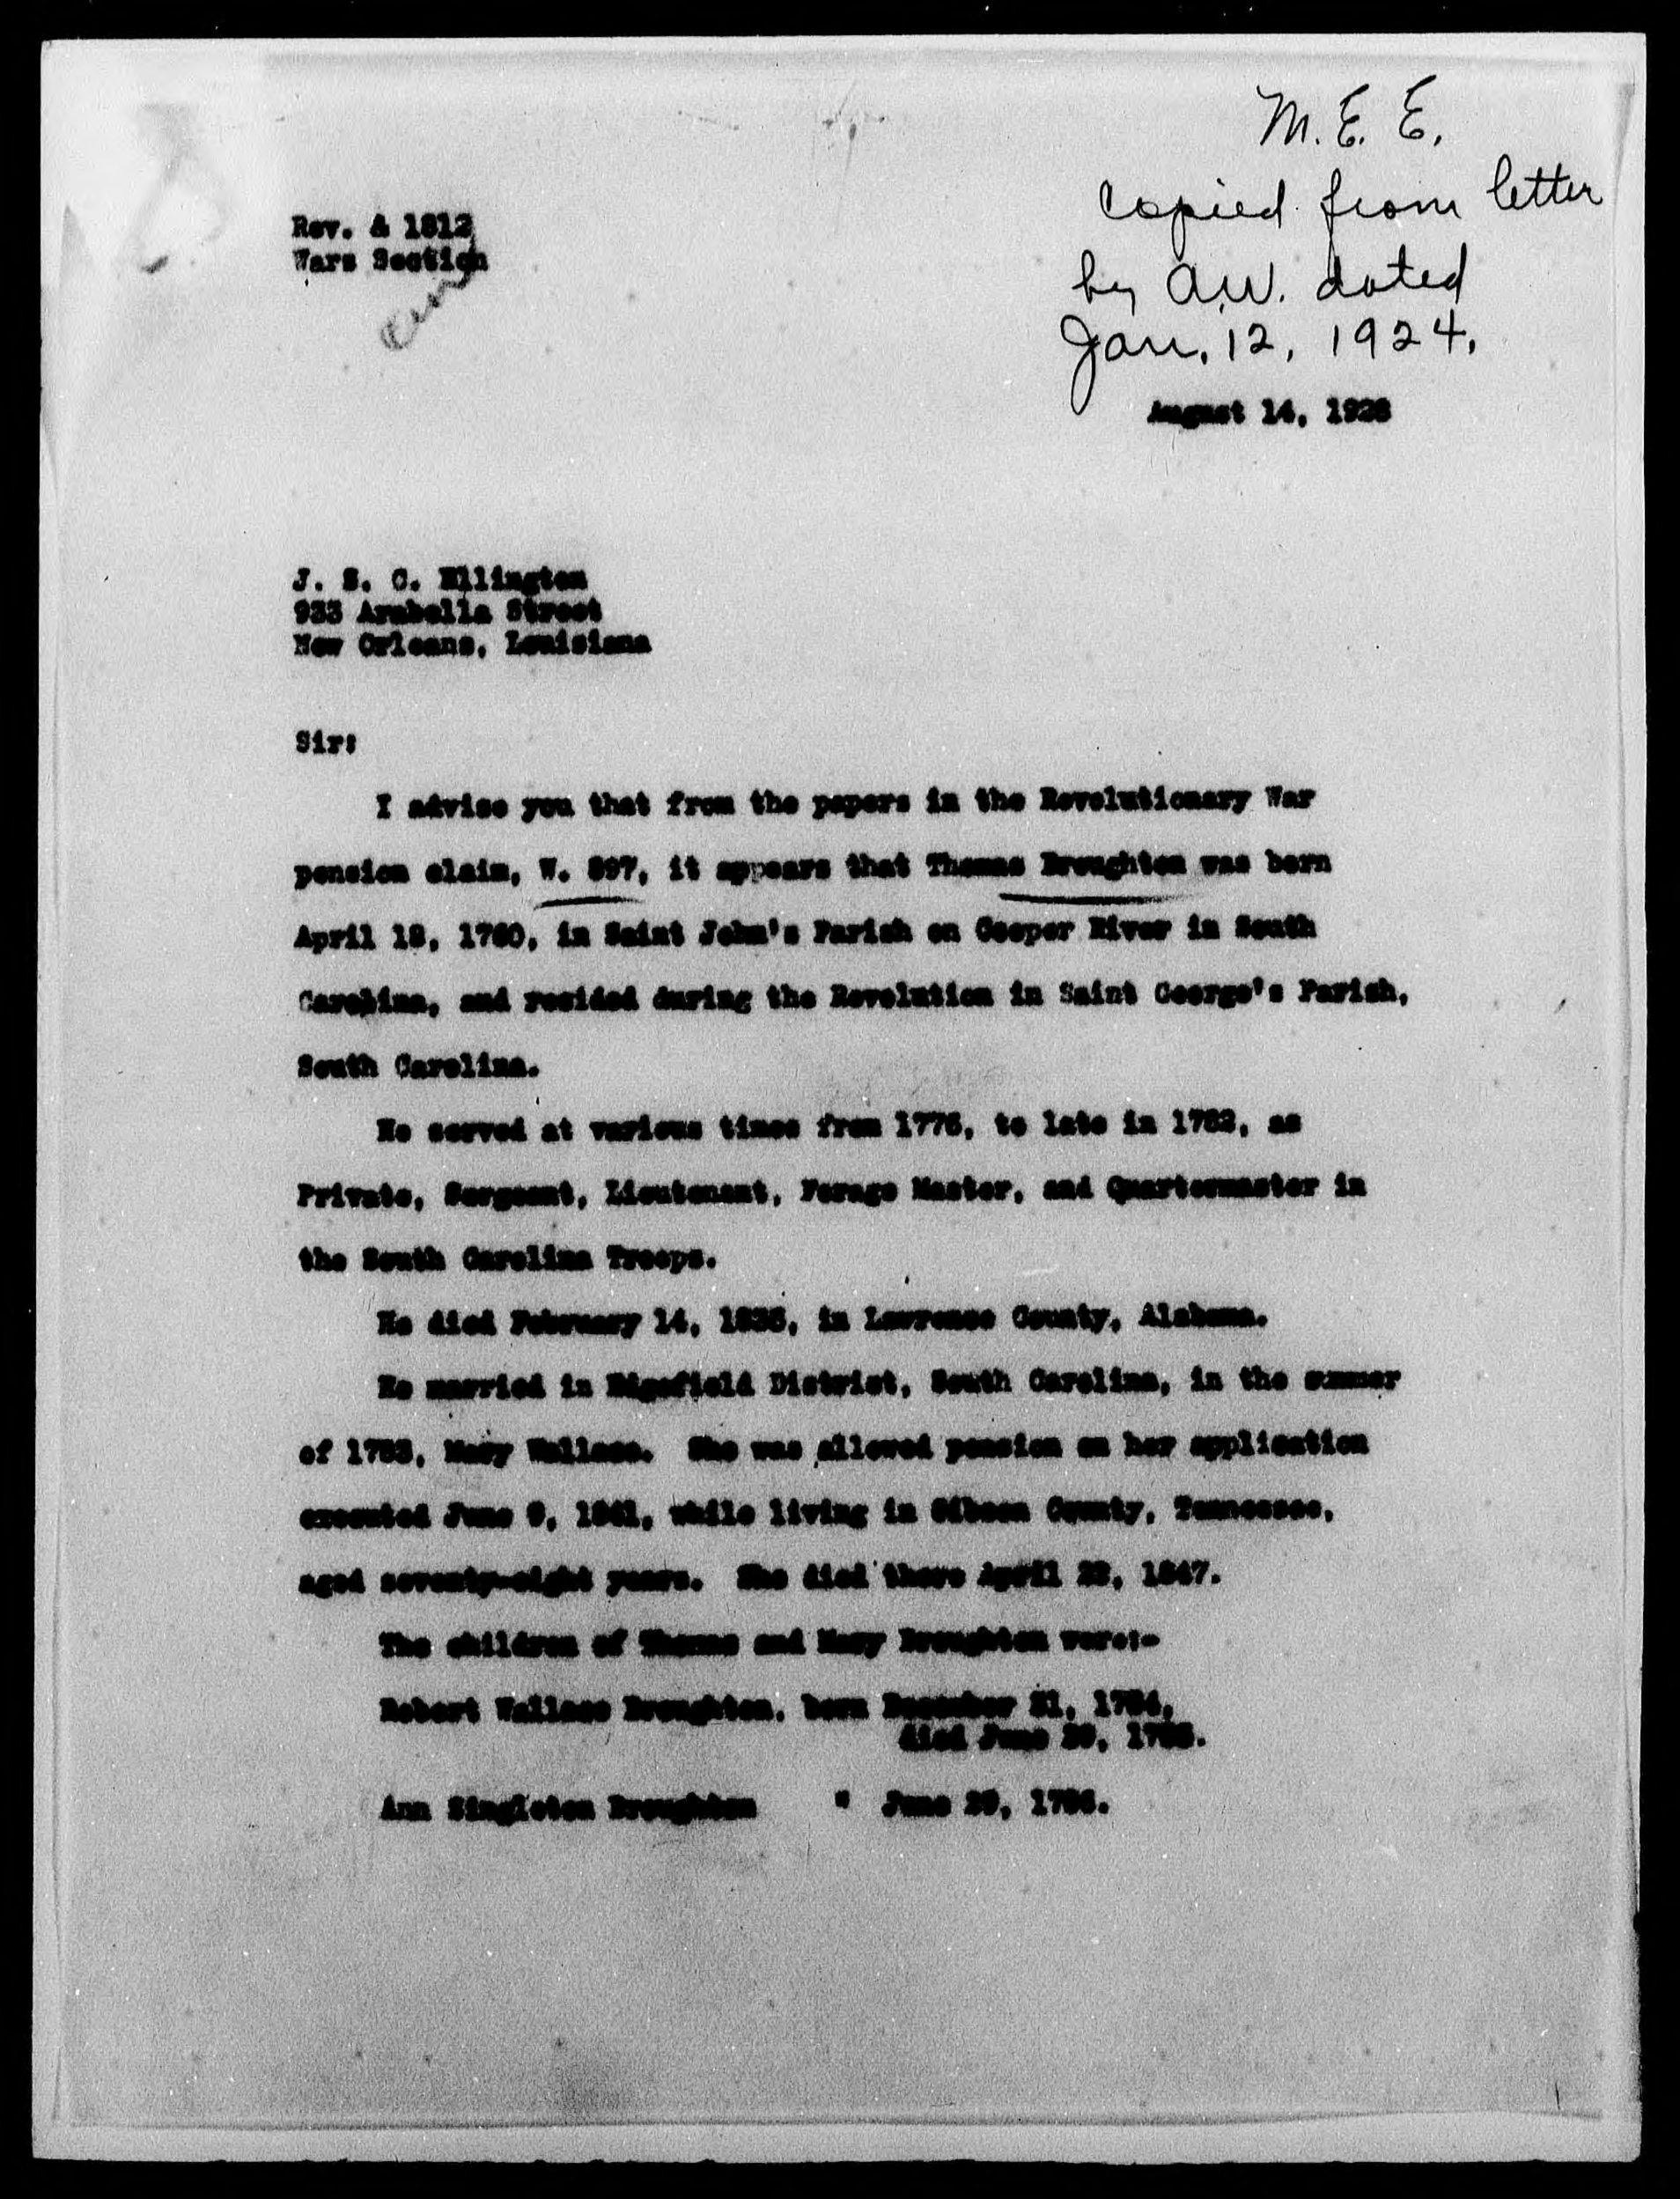Rev. & 1812
Wars Section
 
M. E. E.
copied from letter
by A.W. dated
Jan. 12, 1924

August 14, 1928

J. S. C. Ellington
933 Arabella Street
New Orleans, Louisiana

Sir:
I advise you that from the papers in the Revolutionary War pension claim, W. 897, it appears that Thomas Broughton was born
April 18, 1760, in Saint John's Parish of Cooper River in South Carolina, and resided during the Revolution in Saint George's Parish, South Carolina.

He served at various times from 1776 to late in 1782, as Private, Sergeant, Lieutenant, Forage Master, and Quartermaster in the South Carolina Troops.

He died January 14, 1835, in Lawrence County, Alabama.

He married in Edgefield District, South Carolina, in the summer of 1783, Mary Wallace.  She was allowed pension on her application
executed June 9, 1861, while living in Gibson County, Tennessee, aged seventy-eight years.  She died there April 28, 1847.

The children of Thomas and Mary Broughton were - 
Robert Wallace Broughton, born December 31, 1784, died June 29, 17[illegible]. 
Ann Singleton Broughton born June 29, 1786.
.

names: J S C Ellington, Ann Singleton Broughton, Thomas Broughton, Mary Broughton, Robert Wallace Broughton, Thomas Broughton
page: 27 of 72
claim: widow's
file: W. 897, Thomas Broughton, S.C.